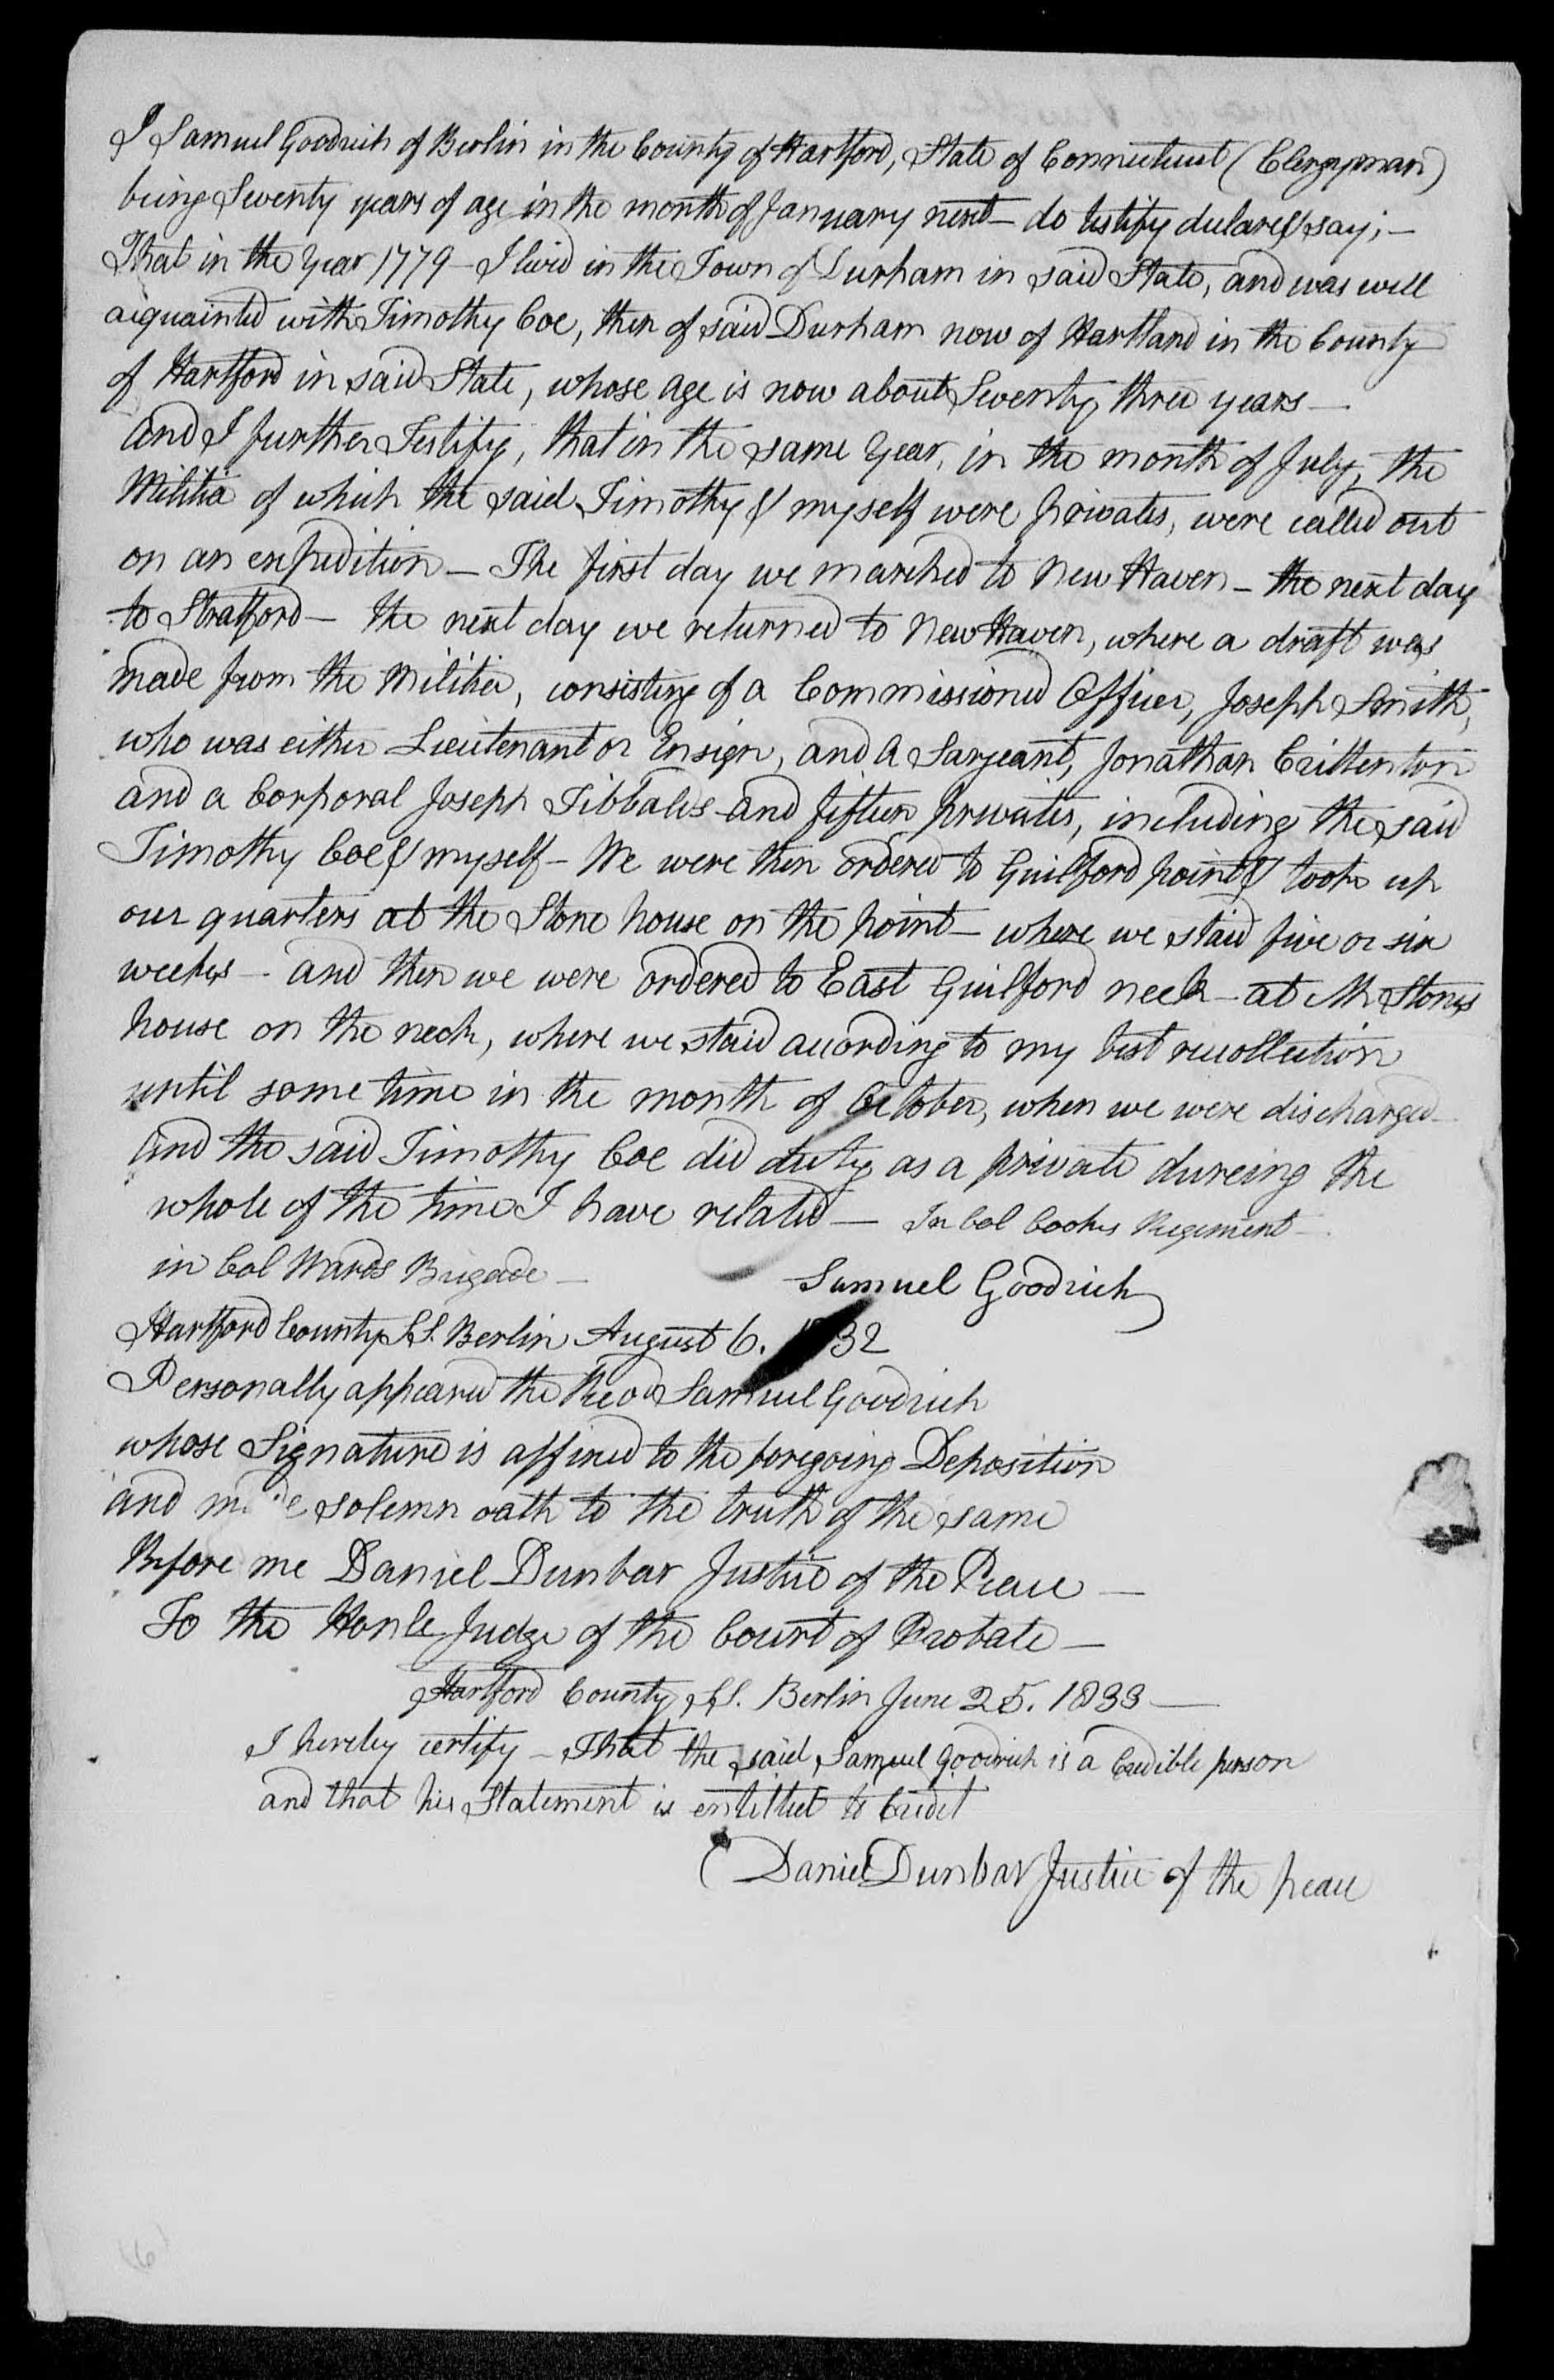I Samuel Goodrich of Berlin in the county of Hartford, State of Connecticut (clergyman) being seventy years of age in the month of January next- do testify declares & says;  That in the year 1779 I lived in the town of Durham in said State, and was well acquainted with Timothy Coe, then of said Durham now of Hartland in the County of Hartford in said State, whose age is now about seventy three years, and I further testify, that in the same year, in the month of July, the Militia of which the said Timothy & myself were privates, were called out on an expedition. The first day we marched to New Haven, the next day to Stratford, the next day we returned to New Haven, where a draft was made from the militia, consisting of a commissioned officer, Joseph Smith, who was either Lieutenant or Ensign, and a Sargeant, Jonathan Crittenton and a Corporal Joseph Tibbalds and fifteen private, including the said Timothy Coe & myself. We were then ordered to Guilford Point & took up our quarters at the stone house on the point, where we staid five or six weeks, and then we were ordered to East Guilford neck, at the Stone house on the neck, where we staid according to my best recollection until some time in the month of October, when we were discharged and the said Timothy Coe did duty as a private during the whole of the time I have related. In Col Cooks Regiment in Col Marcus Brigade.
Samuel Goodrich

Hartford County ss. Berling August 6, 1832
Personally appeared the Revd Samuel Goodrich whose signature is affixed to the foregoing deposition and made solemn oath to the truth of the same. Before me
Daniel Dunbar Justice of the Peace
To the Honble Judge of the Court of Probate
Hartford County ss. Berlin June 25, 1833
I hereby certify that the said Samuel Goodrich is a credible person and that his statement is entitled to credit.
Daniel Dunbar Justice of the Peace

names: Timothy Coe, Joseph Tibbalds, Samuel Goodrich, Timothy, Timothy Coe, Jonathan Crittenton, Samuel Goodrich, Daniel Dunbar, Timothy Coe, Joseph Smith, Samuel Goodrich, Daniel Dunbar, Samuel Goodrich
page: 55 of 76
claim: widow's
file: W. 5,250, Timothy Coe, Conn.